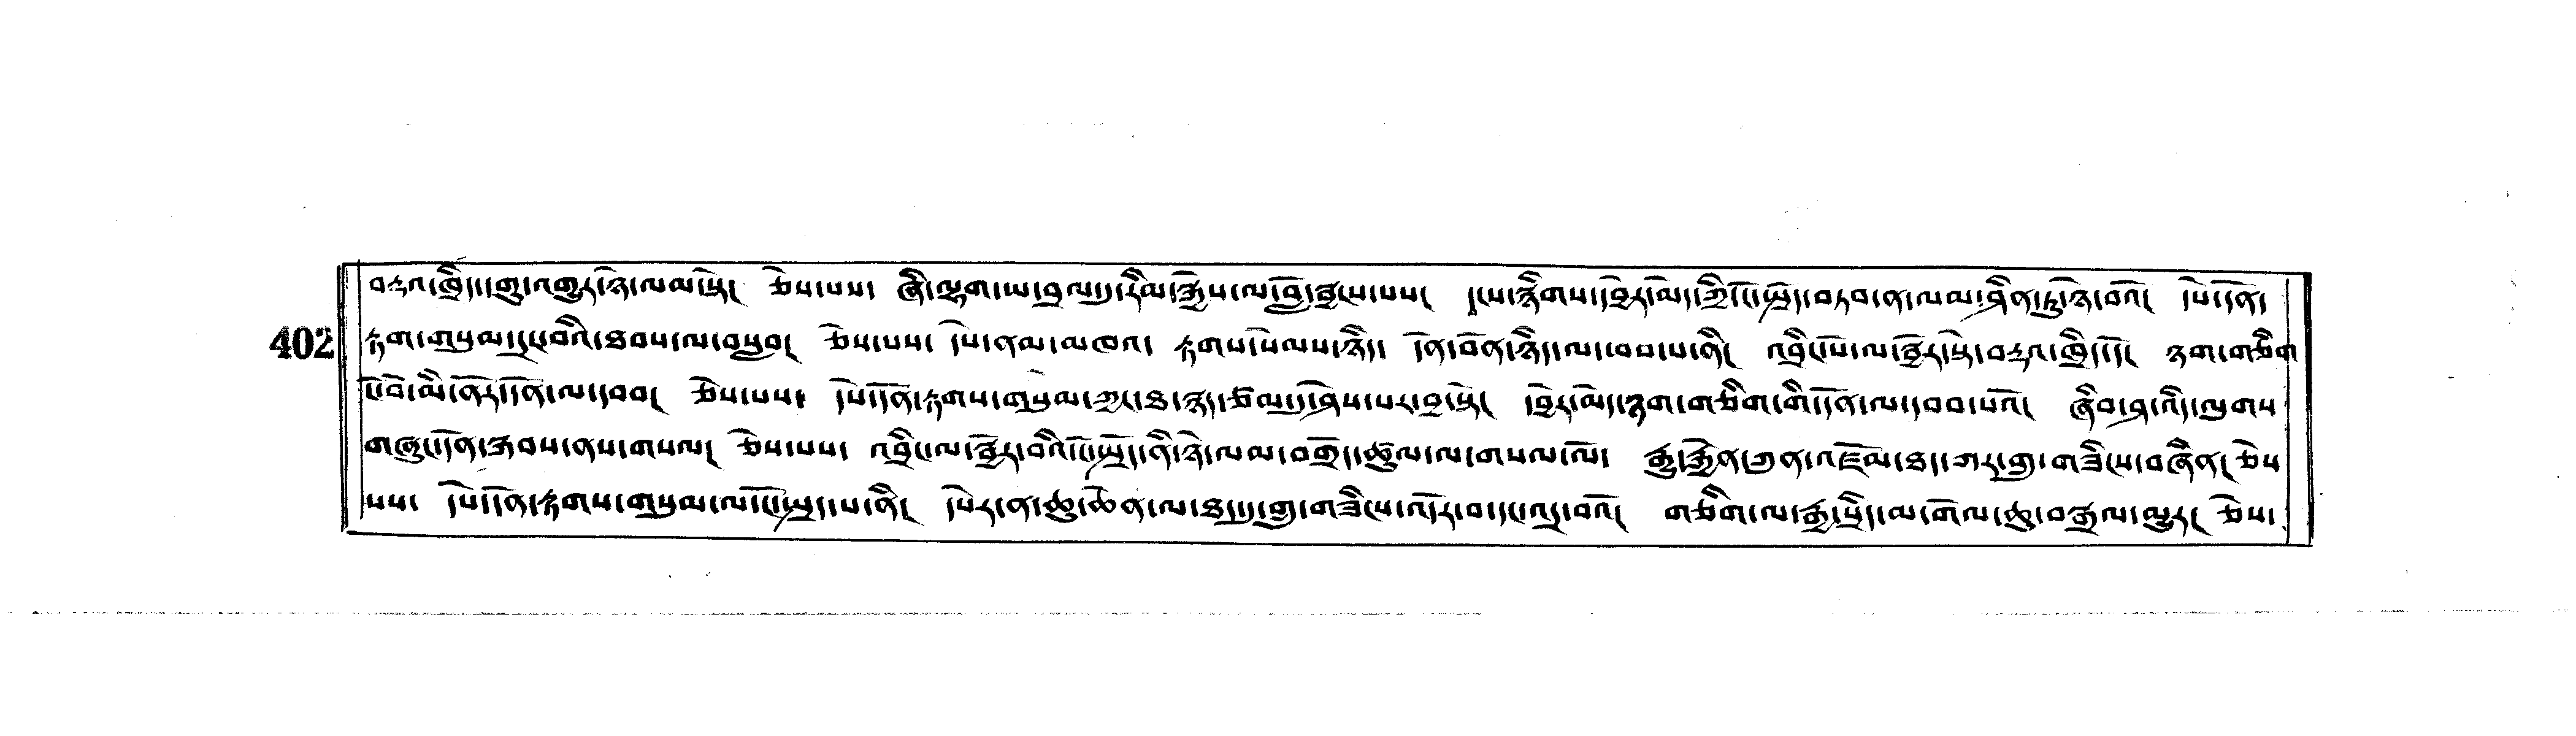བརྡ་ཁྲིད་དགུ་འགྱུར་ཉེ་ལམ་སྟེ། ཅེས་པས། ཞི་ལྷག་ཡ་བྲལ་དུ་རིམ་སྐྱེས་ལ་བློ་སྦྱངས་པས། དྭངས་སྙིགས་དབྱེར་མེད་ཀྱི་ངོ་སྤྲོད་བཏབ་ན་ལམ་ཤིན་ཏུ་ཉེ་བའོ། དཔེ་དོན་
རྟགས་གསུམ་དྲང་བའི་ཐབས་ལ་བསླབས། ཅེས་པས། དཔེ་ནམ་མཁའ། རྟགས་སེམས་ཉིད། དོན་བོན་ཉིད་ལ་ཕབ་པ་ནི། འབྲིང་པོ་ལ་སྦྱོར་ཏེ་བརྡ་ཁྲིད་དོ། ཉག་ཅིག་
ངོ་བོ་མི་ནོར་དོན་ལ་དབབ། ཅེས་པས། དཔེ་དོན་རྟགས་གསུམ་ཀྱང་ཐ་སྙད་ཙམ་དུ་ཤེས་པར་བྱ་སྟེ། དབྱེར་མེད་ཉག་གཅིག་གི་དོན་ལ་དབབ་པའོ། ཞིབ་ཆ་འདི་ལུགས་
གཞུང་དོན་སྐབས་ནས་གསལ། ཅེས་པས། འབྲིང་ལ་སྦྱོར་བའི་ངོ་སྤྲོད་ནི་ཉེ་ལམ་བགྲོད་ཚུལ་ལ་གསལ་ལོ། རྒྱུ་རྐྱེན་ཀུན་རྫོབ་ཐད་ཀར་གྲུ་གཟིངས་བཞིན། ཅེས་
པས། དཔེ་དོན་རྟགས་གསུམ་ལ་ངོ་སྤྲད་པ་ནི། དཔེར་ན་ཆུ་ཆེན་ལ་ཐད་དུ་གྲུ་གཟིངས་འདོར་བ་དང་འདྲ་བའོ། གཅིག་ལ་བརྒྱ་སྲིད་མ་གོལ་ཆུ་བསྒྲལ་མྱུར། ཅེས་